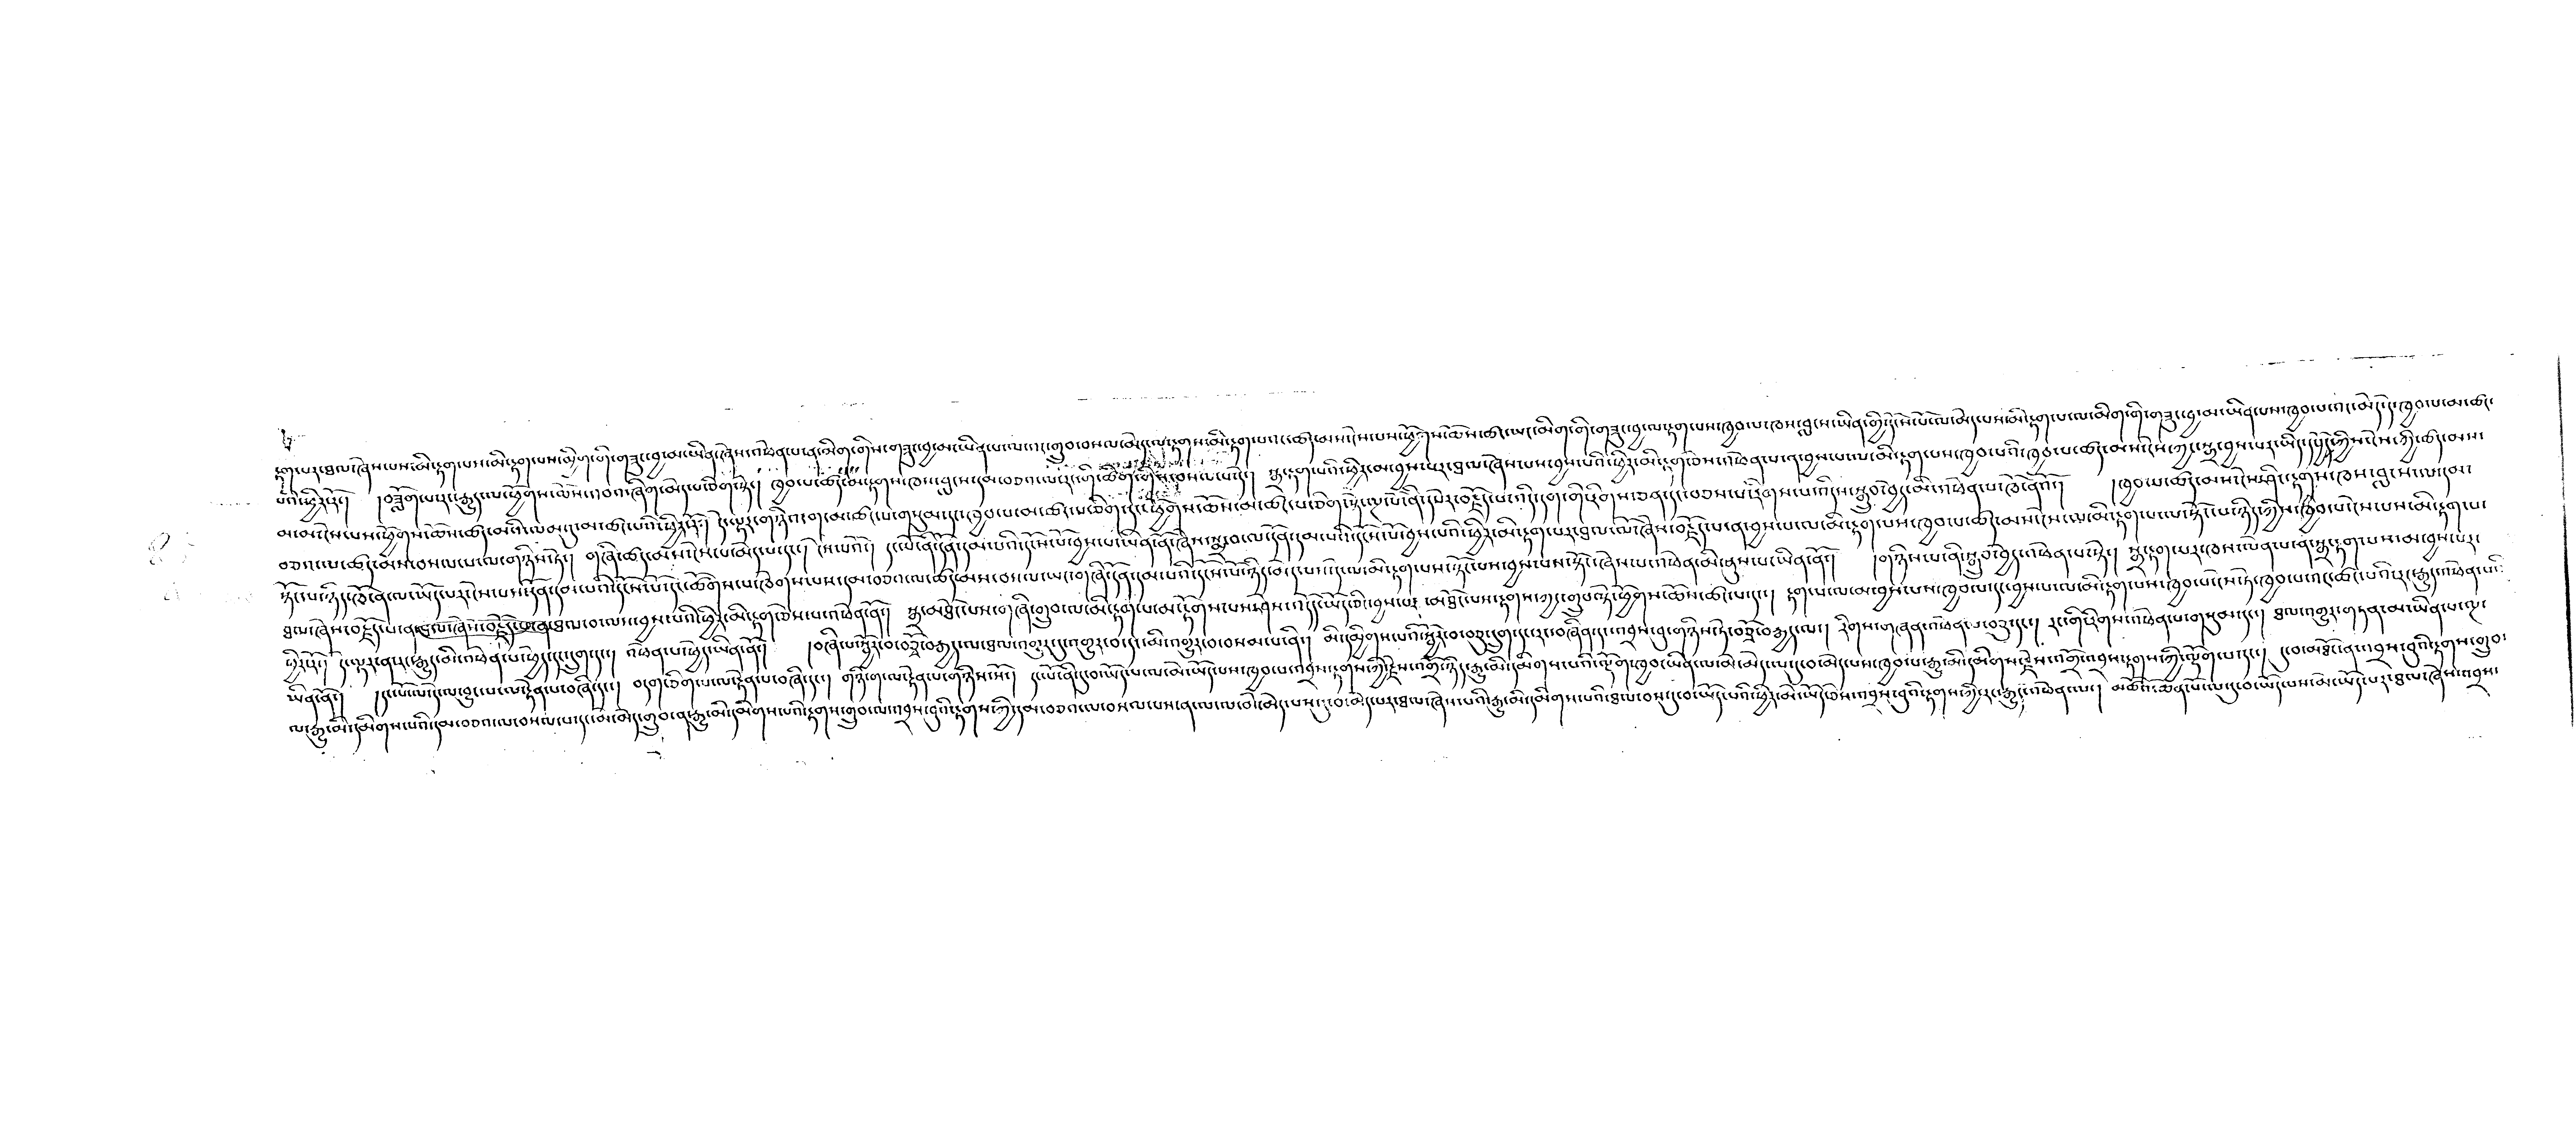རྟག་པར་ཐལ་ཞེས་པས་མི་རྟག་པ་མི་རྟག་པས་མིག་གི་གཟུང་བྱ་མ་ཡིན་ཞེས་འཕེན་པ་ན་མིག་གིས་གཟུང་བྱ་མ་ཡིན་པ་ལ་འང་གྲུབ་བསལ་མེད་ལ་རྟགས་མི་རྟག་པ་འང་ཚད་མས་ངེས་པས་ཕྱོགས་ཆོས་ཚང་ཡང་མིག་གི་གཟུང་བྱ་ལ་རྟག་པས་ཁྱབ་པ་ཁས་བླངས་ཡིན་གྱི་དངོས་པོ་ལ་མེད་པས་མི་རྟག་པ་ལ་མིག་གི་གཟུང་བྱ་མ་ཡིན་པས་ཁྱབ་པ་འང་མེད་དེ་ཁྱབ་པ་མ་ཚང་
པའི་ཕྱིར་རོ། །བཟློག་པ་རང་རྒྱུད་ལ་ཕྱོགས་ཆོས་འབའ་ཞིག་མེད་པ་ཅིག་སྟེ། ཁྱབ་པ་ཚད་མ་རྟགས་ཁས་བླངས་དམ་བཅའ་ལ་རང་གི་ཚིག་གིས་བསལ་པ་དེ། སྒྲ་རྟག་པའི་ཕྱིར་མ་བྱས་རང་ཐལ་ཞེས་པས་བྱས་པའི་ཕྱིར་མི་རྟག་ཅེས་འཕེན་པ་ན་བྱས་པ་ལ་མི་རྟག་པས་ཁྱབ་པའི་ཁྱབ་པ་ཚད་མས་ངེས་ཀྱང་སྒྲ་བྱས་པར་ཡིད་དཔྱོད་ཀྱིས་ངེས་ཀྱི་ཚད་མས་
མ་མ་ངེས་པས་ཕྱོགས་ཆོས་ཚད་མའི་ལམ་དུ་མ་ཚང་པའི་ཕྱིར་རོ། དེ་ལྟར་གཉིས་ག་མ་ཚང་པ་གསུམ་དང་ཁྱབ་པ་མ་ཚད་པ་ཅིག་དང་ཕྱོགས་ཆོས་མ་ཚང་པ་ཅིག་སྟེ་ལྔ་པོ་ནི་དཔེར་བརྗོད་པ་འདི་དག་གི་རིགས་ཅན་དང་བཅས་པ་རིགས་པ་འདིས་སྒྲུབ་བྱེད་མི་འཕེན་པ་ཁོ་ནའོ། །ཁྱབ་པ་ཚད་མས་ངེས་ཤིང་རྟགས་ཁས་བླངས་ལ་དམ་
བཅའ་ལ་ཚད་མས་བསལ་པ་ལ་གཉིས་ཏེ། གཞི་ཚད་མས་ངེས་པ་མེད་པ་དང་། ངེས་པའོ། དང་པོ་ནི་དོན་དམ་པའི་དངོས་པོ་བྱས་པ་ཡིན་ནོ་ཞེས་སྨྲ་བ་ལ་དོན་དམ་པའི་དངོས་པོ་བྱས་པའི་ཕྱིར་མི་རྟག་པར་ཐལ་ལོ་ཞེས་བརྗོད་པ་ན་བྱས་པ་ལ་མི་རྟག་པས་ཁྱབ་པ་ཚད་མས་ངེས་ལ་མི་རྟག་པ་ལ་སྟོང་པ་ཉིད་ཀྱིས་ཁྱབ་པ་ངེས་པས་མི་རྟག་པ་
སྟོང་པ་ཉིད་ཁོ་ན་ལ་ཡོད་པར་ངེས་པས་དོན་དམ་པའི་དངོས་པོ་དང་ཚོགས་པ་ཁེགས་པས་དམ་བཅའ་ལ་ཚད་མས་བསལ་ཡང་གཞི་དོན་དམ་པའི་དངོས་པོ་ཉིད་མེད་པས་དེ་ལ་མི་རྟག་པས་སྟོང་པས་བྱས་པས་སྟོང་ཞེས་པ་འཕེན་མི་ནུས་པ་ཡིན་ནོ། །གཉིས་པ་ནི་སྒྲུབ་བྱེད་འཕེན་པ་སྟེ། སྒྲ་རྟག་པར་ཁས་ལེན་པ་ན་སྒྲ་རྟག་པས་མ་བྱས་པར་
ཐལ་ཞེས་བརྗོད་པ་ན་?་ཞེས་བརྗོད་པ་ན་ཐལ་བ་ལས་བྱས་པའི་ཕྱིར་མི་རྟག་ཅེས་པ་འཕེན་ནོ། སྒྲ་མཐོང་པོས་གཞི་གྲུབ་ལ་མི་རྟག་པ་མ་རྟོགས་པས་ཤེས་འདོད་ཡོད་ཅིང་བྱས་པར་མཐོང་པས་རྟགས་ཀྱང་གྲུབ་སྟེ་ཕྱོགས་ཆོས་ཚང་པ་དང་། རྟག་པ་ལ་མ་བྱས་པས་ཁྱབ་པ་དང་བྱས་པ་ལ་མི་རྟག་པས་ཁྱབ་པ་ངེས་ཏེ་ཁྱབ་པ་འང་ཚང་པའི་རང་རྒྱུད་འཕེན་པའི་
ཕྱིར་རོ། དེ་ལྟར་ན་རང་རྒྱུད་མི་འཕེན་པ་ཕྱེད་དང་དྲུག་དང་། འཕེན་པ་ཕྱེད་ཡིན་ནོ། །བཞི་པ་སྦྱོར་བ་བཅོ་བརྒྱད་ལ་ཐལ་འགྱུར་དུ་འགྱུར་བ་དང་མི་འགྱུར་བ་བསམ་པ་ནི། མི་དམིགས་པའི་སྦྱོར་བ་བཅུ་དྲུག་དང་རང་བཞིན་དང་འབྲས་བུ་གཉིས་ཏེ་བཅྭོ་བརྒྱད་ལ། རིགས་གཞན་འཕེན་པ་བཅུ་དང་། རང་གི་རིགས་འཕེན་པ་གསུམ་དང་། ཐལ་འགྱུར་གཏན་མ་ཡིན་པ་ལྔ་
ཡིན་ནོ། །དང་པོ་ལ་དེ་ལ་བྱུང་པ་ལ་རྟེན་པ་བཞི་དང་། བདག་ཅིག་པ་ལ་རྟེན་པ་བཞི་དང་། གཉི་ག་ལ་རྟེན་པ་གཉིས་སོ། དང་པོ་ནི་དུ་བ་ཡོད་པ་ལ་མེ་ཡོད་པས་ཁྱབ་པ་འབྲས་རྟགས་ཀྱི་རྗེས་འགྲོ་ཉིད་རྒྱུ་མི་དམིགས་པའི་ལྡོག་ཁྱབ་ཡིན་ལ་མེ་མེད་ལ་དུ་བ་མེད་པས་ཁྱབ་པ་རྒྱུ་མི་དམིགས་རྗེས་འགྲོ་འབྲས་རྟགས་ཀྱི་ལྡོག་པ་དང་། དུ་བ་མཐོང་ན་འབྲས་བུའི་རྟགས་གྲུབ་
ལ་རྒྱུ་མི་དམིགས་པའི་དམ་བཅའ་ལ་བསལ་པ་དང་མེ་མེད་གྲུབ་ན་རྒྱུ་མི་དམིགས་པའི་རྟགས་གྲུབ་ལ་འབྲས་བུའི་རྟགས་ཀྱི་དམ་བཅའ་ལ་བསལ་པས་ན་ལ་ལ་མེ་མེད་པས་དུ་བ་མེད་པར་ཐལ་ཞེས་པའི་རྒྱུ་མི་དམིགས་པའི་ཐལ་བས་དུ་བ་ཡོད་པའི་ཕྱིར་མེ་ཡོད་ཅེས་འབྲས་བུའི་རྟགས་ཀྱི་རང་རྒྱུད་འཕེན་ལ། མཚོའོ་ཆེན་པོ་ལ་དུ་བ་ཡོད་པས་མེ་ཡོད་པར་ཐལ་ཞེས་འབྲས་